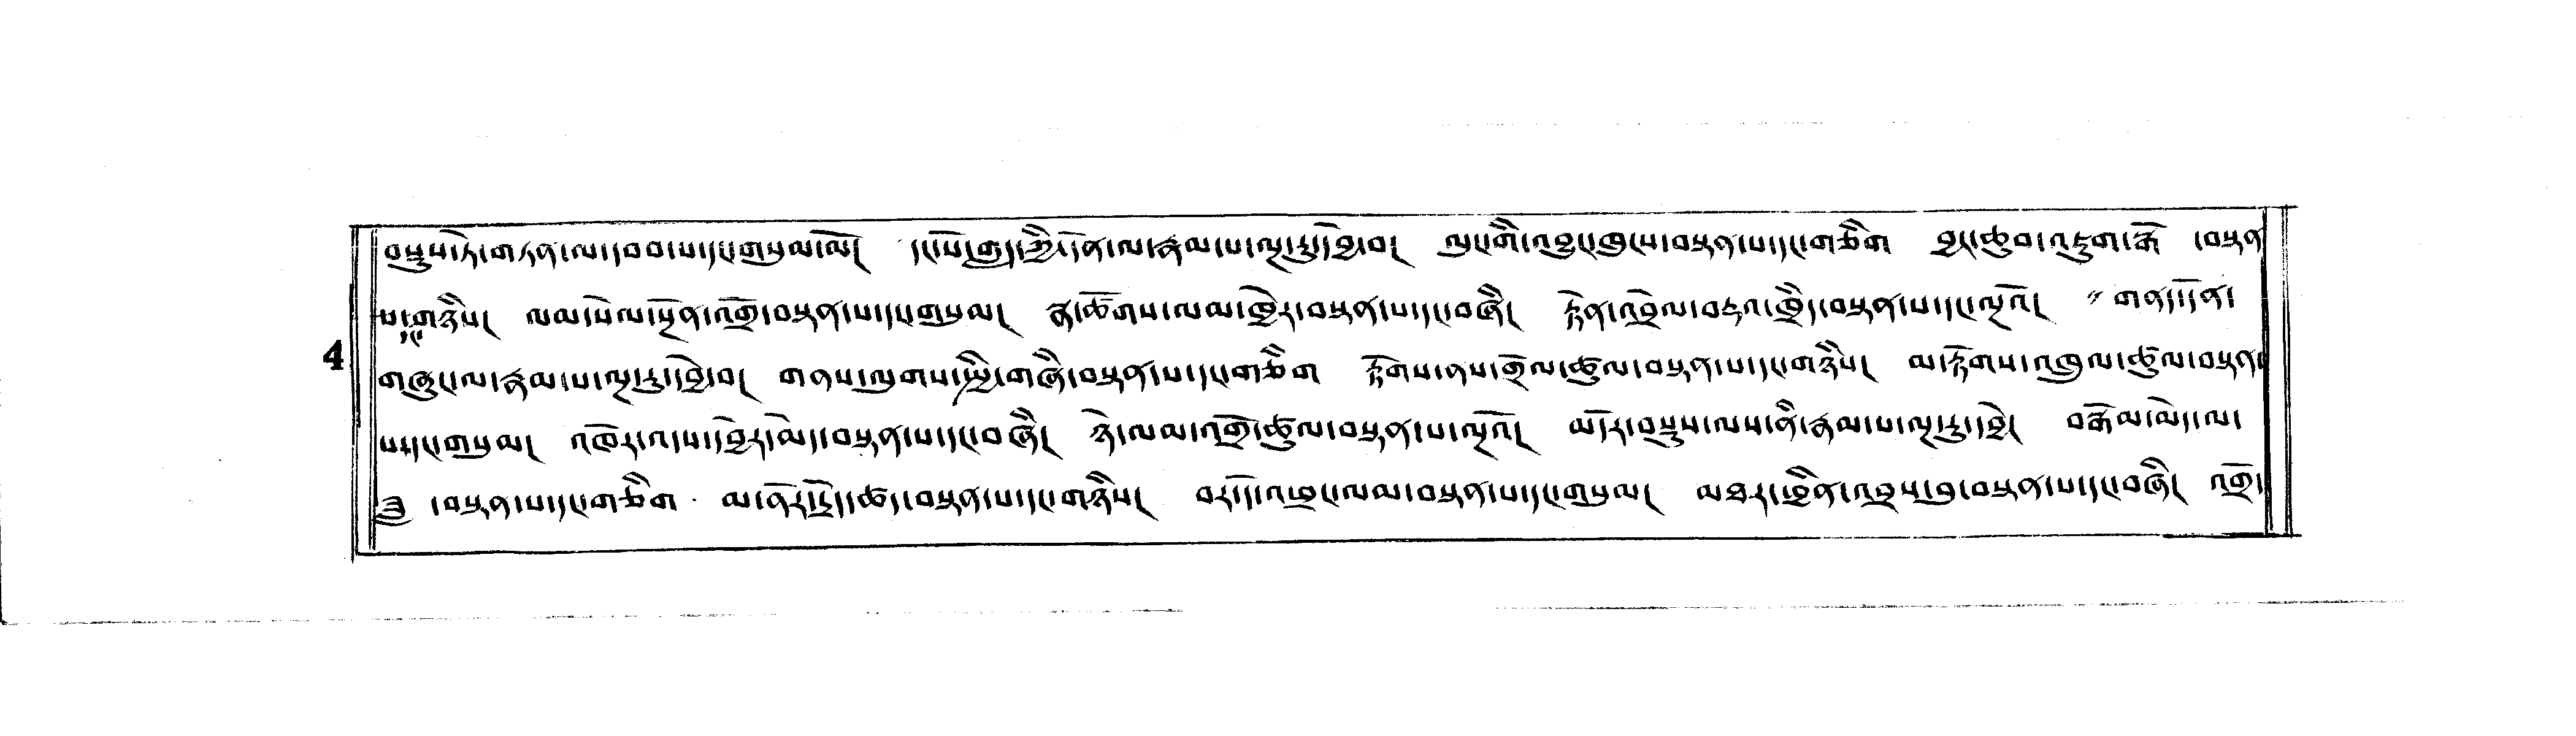བསྡུས་ཏེ་གཏན་ལ་དབབ་པ་དང་གསུམ་མོ། དང་པོ་ཀླད་ཀྱི་དོན་ལ་རྣམ་པ་ལྔ་རུ་དབྱེ་བ། ལུང་གི་འབྱུང་ཁུང་བསྟན་པ་དང་གཅིག བྱང་ཆུབ་འཇུག་སྒོ་བསྟན་
པ་དང་གཉིས། ལམ་སེལ་སྔོན་འགྲོ་བསྟན་པ་དག་གསུམ། སྣ་ཚོགས་ལམ་ཁྱེར་བསྟན་པ་དང་བཞི། རྟེན་འབྲེལ་བརྡ་ཁྲིད་བསྟན་པ་དང་ལྔའོ།། ༧ གནད་དོན་
གཞུང་ལ་རྣམ་པ་ལྔ་རུ་དབྱེ་བ། གནས་ལུགས་སྤྱི་གཞི་བསྟན་པ་དང་གཅིག རྟོགས་ནས་གྲོལ་ཚུལ་བསྟན་པ་དང་གཉིས། མ་རྟོགས་འཁྲུལ་ཚུལ་བསྟན་
པ་དང་གསུམ། འཁོར་འདས་དབྱེར་མེད་བསྟན་པ་དང་བཞི། ཉེ་ལམ་འགྲོ་ཚུལ་བསྟན་པ་དང་ལྔའོ།། མདོར་བསྡུས་ལས་ནི་རྣམ་པ་ལྔ་རུ་དབྱེ། བསྒོམ་མེད་ལ་
བཟླ་བསྟན་པ་དང་གཅིག མ་ནོར་དྲོད་ཚད་བསྟན་པ་དང་གཉིས། བར་དོ་འཕྲང་ལམ་བསྟན་པ་དང་གསུམ། མཐར་ཕྱིན་འབྲས་བུ་བསྟན་པ་དང་བཞི། འགྲོ་